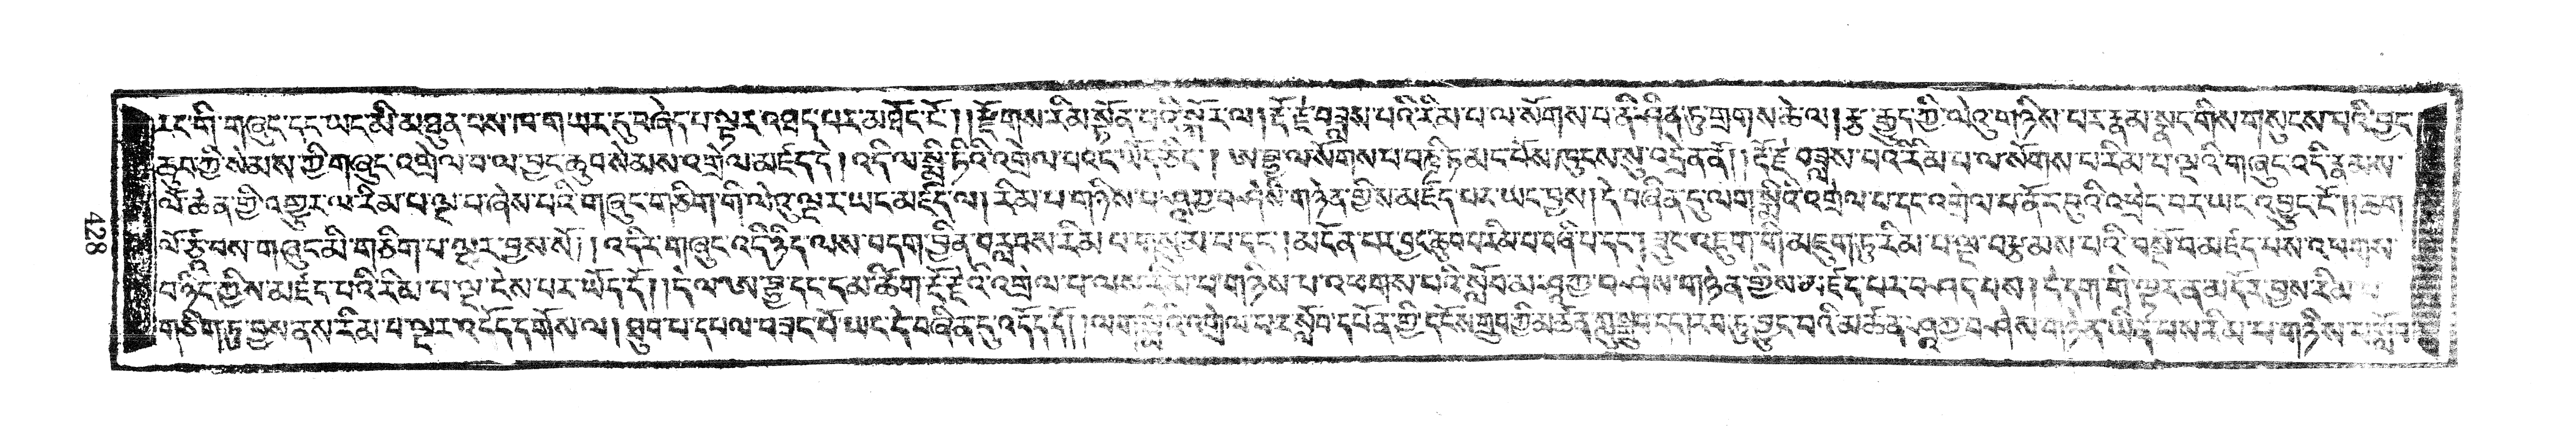རང་གི་གཞུང་དང་ཡང་མི་མཐུན་པས་ཁ་གཡར་དུ་བཞེད་པ་ལྟར་འཐད་པར་མཐོང་ངོ། །རྫོགས་རིམ་སྟོན་པའི་སྐོར་ལ། རྡོ་རྗེ་བཟླས་པའི་རིམ་པ་ལ་སོགས་པ་ནི་ཤིན་ཏུ་གྲགས་ཆེ་ལ། རྩ་རྒྱུད་ཀྱི་ལེའུ་གཉིས་པར་རྣམ་སྣང་གིས་གསུངས་པའི་བྱང་
ཆུབ་ཀྱི་སེམས་ཀྱི་གཞུང་འགྲེལ་བ་ལ་བྱང་ཆུབ་སེམས་འགྲེལ་མཛད་དེ། འདི་ལ་སྨྲི་ཏིའི་འགྲེལ་པའང་ཡོད་ཅིང་། ཨ་བྷྱ་ལ་སོགས་པ་པཎྜི་ཏ་མང་པོས་ཁུངས་སུ་འདརEན་ནོ། །རྡོ་རྗེ་བཟླས་པའི་རིམྤ་ལི"ཕ༆༄༅༆&འ྅་༆༄༅ང་འདི་རྣམས་
ལོ་ཆེན་ཀྱི་འགྱུར་ལ་རིམ་པ་ལྔ་པ་ཞེས་པའི་གཞུང་གཅིག་གི་ལེའུ་ལྔར་ཡང་མཛད་ལ། རིམ་པ་གཉིས་པ་ཤཱཀྱ་བཤེས་གཉེན་གྱིས་མཛད་པར་ཡང་བྱས། དེ་བཞིན་དུ་ལག་སྨིའི་འགྲེལ་པ་དང་འགྲེལ་པ་ནོར་བུའི་འཕྲེང་བར་ཡང་འབྱུང་ངོ། །ཆག་
ལོ་ཙཱ་བས་གཞུང་མི་གཅིག་པ་ལྔར་བྱས་སོ། འདིར་གཞུང་འདི་ཉིད་ལས་བདག་བྱིན་བརླབས་རིམ་པ་གསུམ་པ་དང་། མངོན་པར་བྱང་ཆུབ་པ་རིམ་པ་བཞི་པ་དང་། ཟུང་འཇུག་གི་མཇུག་ཏུ་རིམ་པ་ལྔ་བརྩམས་པའི་བསྔོ་བ་མཛད་པས་འཕགས་
པ་ཉིད་ཀྱིས་མཛད་པའི་རིམ་པ་ལྔ་ངེས་པར་ཡོད་དོ། །དེ་ལ་ཨ་བྷྱ་དང་དམ་ཚིག་རྡོ་རྗེའི་འགྲེལ་པ་ལས་རིམ་པ་གཉིས་པ་འཕགས་པའི་སློབ་མ་ཤཱཀྱ་བཤེས་གཉེན་གྱིས་མཛད་པར་བཤད་པས། དེ་དག་གི་ལྟར་ན་མདོར་བྱས་རིམ་པ་
གཅིག་ཏུ་བྱས་ནས་རིམ་པ་ལྔར་འདོད་དགོས་ལ། ཐུབ་པ་དཔལ་བཟང་པོ་ཡང་དེ་བཞིན་དུ་འདོད་དོ། །ལག་སྨིའི་འགྲེལ་པར་སློབ་དཔོན་གྱི་དངོས་གྲུབ་ཀྱི་མཚན་ཀླུ་སྒྲུབ་དང་། རབ་ཏུ་བྱུང་བའི་མཚན་ཤཱཀྱ་བཤེས་གཉེན་ཡིན་པས་རིམ་པ་གཉིས་པ་སློབ་